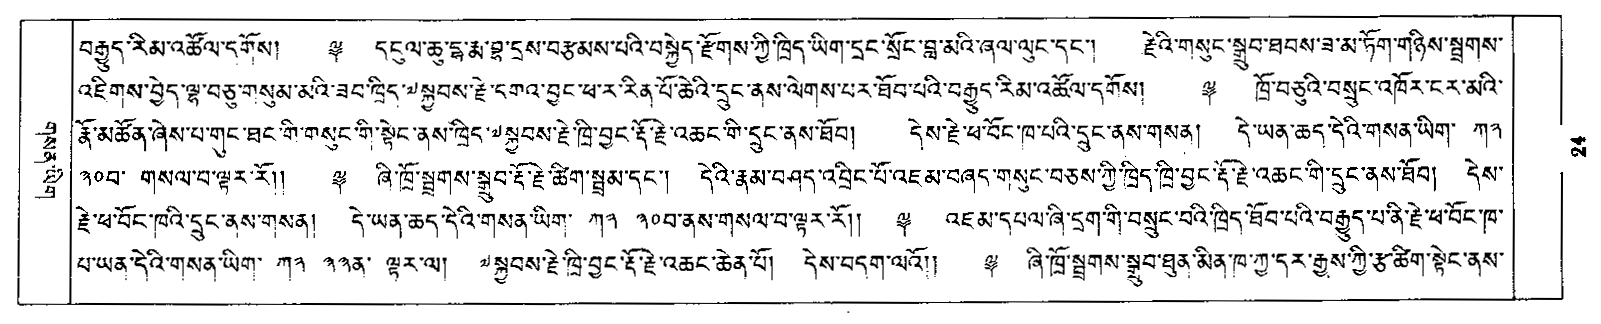བརྒྱུད་རིམ་འཚོལ་དགོས། ༈ དངུལ་ཆུ་དྷ་རྨ་བྷ་དྲས་བརྩམས་པའི་བསྐྱེད་རྫོགས་ཀྱི་ཁྲིད་ཡིག་དྲུང་སྲོང་བླ་མའི་ཞལ་ལུང་དང་། རྗེའི་གསུང་སྒྲུབ་ཐབས་ཟ་མ་ཏོག་གཉིས་སྦྲགས་
འཇིགས་བྱེད་ལྷ་བཅུ་གསུམ་མའི་ཟབ་ཁྲིད་༧་སྐྱབས་རྗེ་དགའ་བྱང་ཕ་ར་རིན་པོ་ཆེའི་དྲུང་ནས་ལེགས་པར་ཐོབ་པའི་བརྒྱུད་རིམ་འཚོལ་དགོས། ༈ ཁྲོ་བཅུའི་བསྲུང་འཁོར་ངར་མའི་
རྣོ་མཚོན་ཞེས་པ་གུང་ཐང་གི་གསུང་གི་སྟེང་ནས་ཁྲིད་༧་སྐྱབས་རྗེ་ཁྲི་བྱང་རྡོ་རྗེ་འཆང་གི་དྲུང་ནས་ཐོབ། དེས་རྗེ་ཕ་བོང་ཁ་པའི་དྲུང་ནས་གསན། དེ་ཡན་ཆད་དེའི་གསན་ཡིག་ཀ ༢
༣༠་བ་གསལ་བ་ལྟར་རོ།། ༈ ཞི་ཁྲོ་སྦྲགས་སྒྲུབ་རྡོ་རྗེ་ཚིག་སྦྲམ་དང་། དེའི་རྣམ་བཤད་འབྲིང་པོ་འཇམ་བཞད་གསུང་བཅས་ཀྱི་ཁྲིད་ཁྲི་བྱང་རྡོ་རྗེ་འཆང་གི་དྲུང་ནས་ཐོབ། དེས་
རྗེ་ཕ་བོང་ཁའི་དྲུང་ནས་གསན། དེ་ཡན་ཆད་དེའི་གསན་ཡིག་ཀ ༢ ༣༠་བ་ནས་གསལ་བ་ལྟར་རོ།། ༈ འཇམ་དཔལ་ཞི་དྲག་གི་བསྲུང་བའི་ཁྲིད་ཐོབ་པའི་བརྒྱུད་པ་ནི་རྗེ་ཕ་བོང་ཁ་
པ་ཡན་དེའི་གསན་ཡིག་ཀ ༢ ༣༣་ན་ལྟར་ལ། ༧་སྐྱབས་རྗེ་ཁྲི་བྱང་རྡོ་རྗེ་འཆང་ཆེན་པོ། དེས་བདག་ལའོ།། ༈ ཞི་ཁྲོ་སྦྲགས་སྒྲུབ་ཐུན་མིན་ཁ་ཀྱ་དར་རྒྱས་ཀྱི་རྩ་ཚིག་སྟེང་ནས་